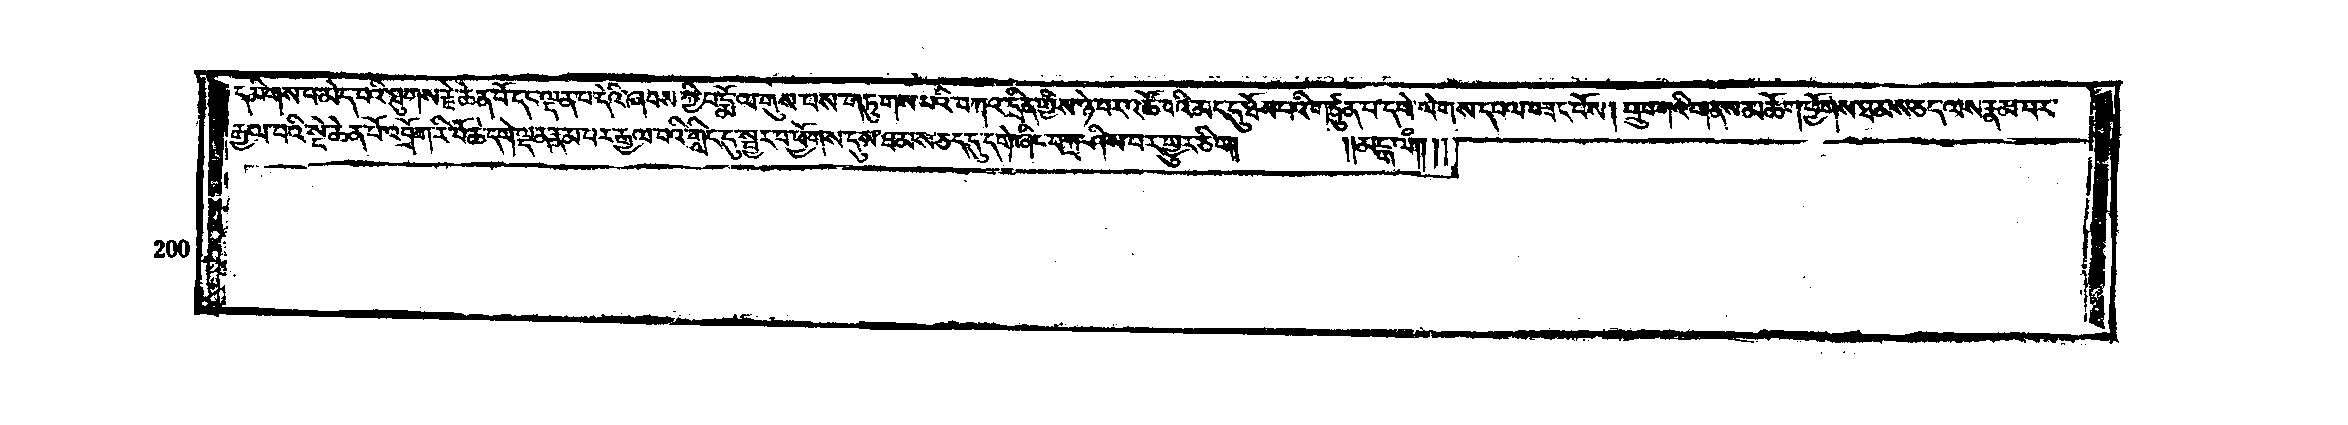དམིགས་པ་མེད་པའི་ཐུགས་རྗེ་ཆེན་པོ་དང་ལྡན་པ་དེའི་ཞབས་ཀྱི་པདམོ་ལ་གུས་པས་གཏུགས་པའི་བཀའ་དྲིན་གྱིས་ཉེ་བར་འཚོ་བའི་མང་དུ་ཐོས་པའི་གཙུན་པ་དགེ་ལེགས་དཔལ་བཟང་པོས། གྲུབ་གའི་གནས་མཆོག་ཕྱོགས་ཐམས་ཅད་ལས་རྣམ་པར་
རྒྱལ་བའི་སྡེ་ཆེན་པོ་འབྲོག་རི་བོ་ཆེ་དགེ་ལྡན་རྣམ་པར་རྒྱལ་བའི་གླིང་དུ་སྦྱར་བ་ཕྱོགས་དུས་ཐམས་ཅད་དུ་དགེ་ཞིང་བཀྲ་ཤིས་པར་གྱུར་ཅིག། །།མངྒ་ལཾ།། །།